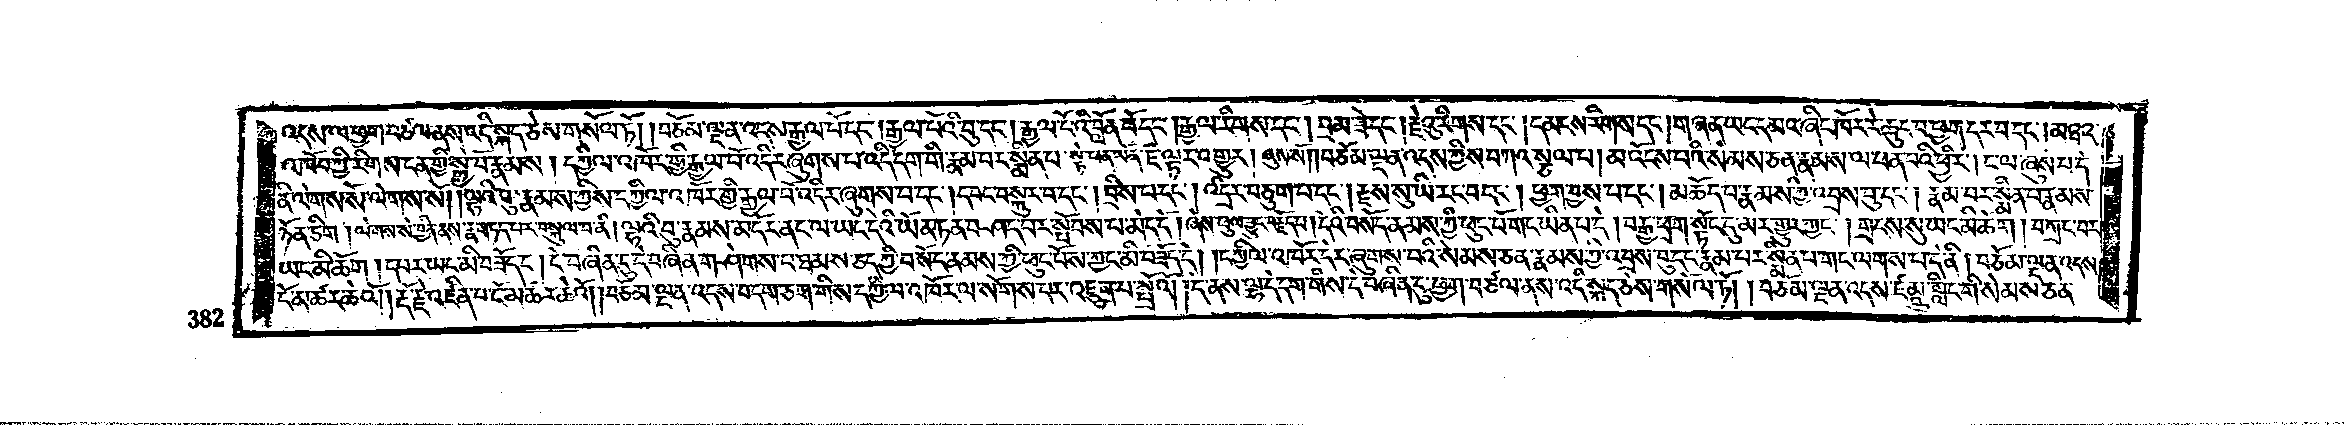བ་འདས་ལ་ཕྱག་བཙལ་ནས་འདི་སྐད་ཅེས་གསོལ་ཏོ། །བཅོམ་ལྡན་འདས་རྒྱལ་པོ་དང་། རྒྱལ་པོའི་བུ་དང་། རྒྱལ་པོའི་བློན་པོ་དང་། རྒྱལ་རིགས་དང་། བྲམ་ཟེ་དང་། རྗེའུ་རིགས་དང་། དམངས་རིགས་དང་། གཞན་ཡང་དམའ་ཞིང་ཁོར་རེ་ཆུང་བ་ཕྱག་དར་བ་དང་། མཐའ་
འཁོབ་ཀྱི་རིགས་ངན་གྱི་སྐྱེ་བོ་རྣམས། དཀྱིལ་འཁོར་གྱི་རྒྱལ་པོ་འདིར་ཞུགས་པ་འདི་དག་གི་རྣམ་པར་སྨིན་པ་སྟེ་ཕན་ཡོན་ཇི་ལྟར་འགྱུར། ཞུས་སོ།  །བཅོམ་ལྡན་འདས་ཀྱིས་བཀའ་སྩལ་པ། མ་འོངས་པའི་སེམས་ཅན་རྣམས་ལ་ཕན་པའི་ཕྱིར། ང་ལ་ཞུས་པ་དེ་
ནི་ལེགས་སོ་ལེགས་སོ། །ལྷའི་བུ་རྣམས་ཀྱིས་དཀྱིལ་འཁོར་གྱི་རྒྱལ་པོ་འདིར་ཞུགས་པ་དང་། དབང་བསྐུར་བ་དང་། བྲིས་པ་དང་། འདྲིར་བཅུག་པ་དང་། རྗེས་སུ་ཡི་རང་བ་དང་། ཕྱག་བྱས་པ་དང་། མཆོད་པ་རྣམས་ཀྱི་འབྲས་བུ་དང་། རྣམ་པར་སྨིན་པ་རྣམས་
ཉོན་ཅིག ། ལེགས་སོ་བྱིན་ནས་རྣ་གཏད་པར་བསྐུལ་བ་ནི།  ལྷའི་བུ་རྣམས་མདོར་ནང་ལ་ཡང་?་དེའི་ཡོན་ཏན་བཤད་པར་སྤོབས་པ་མེད་དོ། ཞེས་ཕུལ་བྱུང་བརྗོད་པ།  དེའི་བསོད་ནམས་ཀྱི་ཕུང་པོ་གང་ཡིན་པ་དེ། བརྒྱ་ཕྲག་སྟོང་དུ་མར་གྱུར་ཀྱང་། གྲངས་སུ་ཡང་མི་ཆོག ། བཀྲང་བར་
ཡང་མི་ཆོག །དཔར་ཡང་མི་བཟོད་ང་། དེ་བཞིན་དུ་དེ་བཞིན་གཤེགས་པ་ཐམས་ཅད་ཀྱི་བསོད་ནམས་ཀྱི་ཕུང་པོས་ཀྱང་མི་བཟོད་དེ། །དཀྱིལ་འཁོར་དེར་ཞུགས་པའི་སེམས་ཅན་རྣམས་ཀྱི་འབྲས་བུ་དང་རྣམ་པར་སྨིན་པ་གང་ལགས་པ་དེ་ནི། བཅོམ་ལྡན་འདས་
ངོ་མཚར་ཆེའོ། །རྡོ་རྗེ་འཛིན་པ་ངོ་མཚར་ཆེའོ། །བཅོམ་ལྡན་འདས་བདག་ཅག་གིས་དཀྱིལ་འཁོར་ལ་སོགས་པར་འཇུག་པ་སྤྲོའོ། །དེ་ནས་ལྷ་དེ་དག་གིས་དེ་བཞིན་དུ་ཕྱག་བཙལ་ནས་འདི་སྐད་ཅེས་གསོལ་ཏོ། །བཅོམ་ལྡན་འདས་ཛམྦུ་གླིང་གི་སེམས་ཅན་